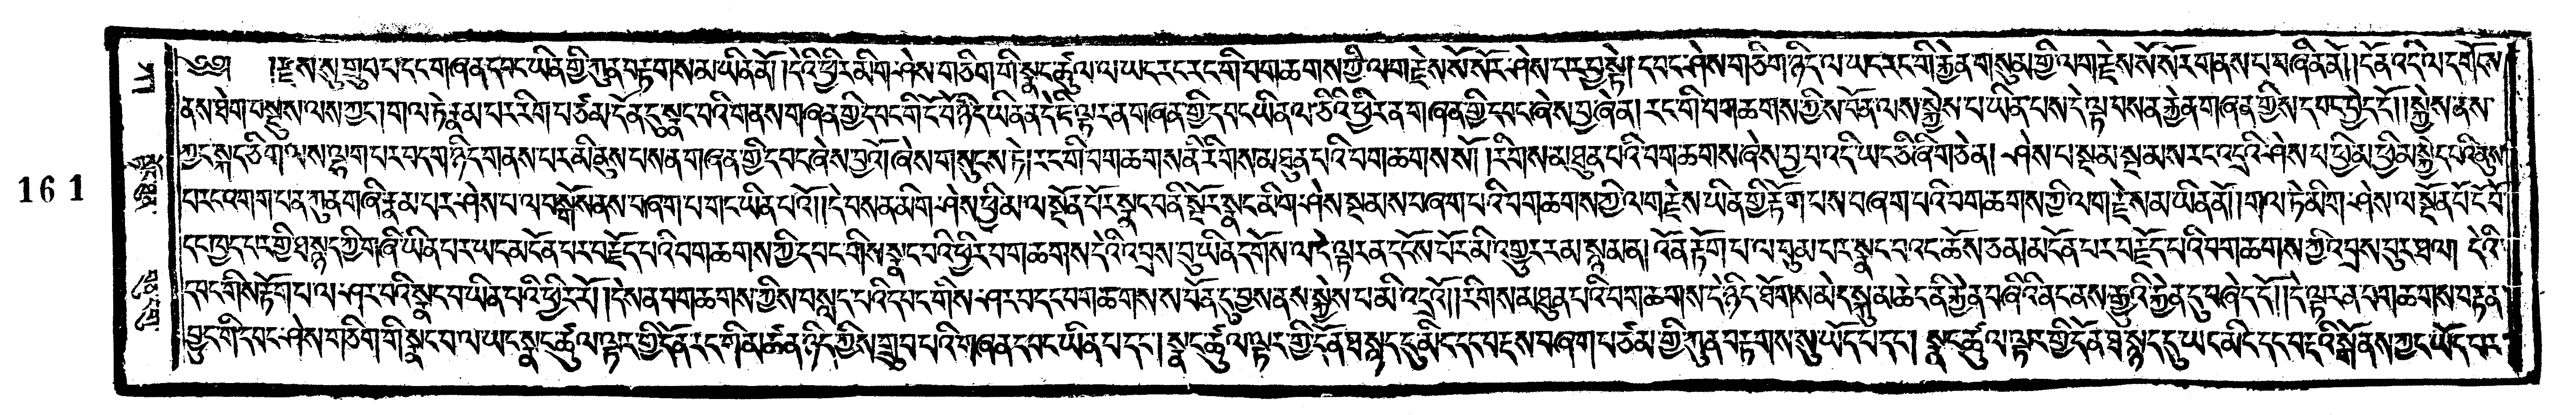༄༅། །རྫས་སུ་གྲུབ་པ་དང་གཞན་དབང་ཡིན་གྱི་ཀུན་བརྟགས་མ་ཡིན་ནོ། །དེའི་ཕྱིར་མིག་ཤེས་གཅིག་གི་སྣང་ཚུལ་ལ་ཡང་རང་རང་གི་བག་ཆགས་ཀྱི་ལག་རྗེས་སོ་སོར་ཤེས་པར་བྱ་སྟེ། དབང་ཤེས་གཅིག་ཉིད་ལ་ཡང་རང་གི་སྐྱེན་གསུམ་གྱི་ལག་རྗེས་སོ་སོར་གནས་པ་བཞིན་ནོ། །དོན་འདི་ལ་དགོངས་
ནས་ཐེག་བསྡུས་ལས་ཀྱང་། གལ་ཏེ་རྣམ་པར་རིག་པ་ཙམ་དོན་དུ་སྣང་བའི་གནས་གཞན་གྱི་དབང་གི་ངོ་བོ་ཉིད་ཡིན་ན་དེ་ཇི་ལྟར་ན་གཞན་གྱི་དབང་ཡིན་ལ་ཅིའི་ཕྱིར་ན་གཞན་གྱི་དབང་ཞེས་བྱ་ཞེ་ན། རང་གི་བག་ཆགས་ཀྱི་ས་བོན་ལས་སྐྱེས་པ་ཡིན་པས་དེ་ལྟ་བས་ན་རྐྱེན་གཞན་གྱིས་དབང་བྱེད་དོ། །སྐྱེས་ནས་
ཀྱང་སྐད་ཅིག་ལས་ལྷག་པར་བདག་ཉིད་གནས་པར་མི་ནུས་པས་ན་གཞན་གྱི་དབང་ཞེས་བྱའོ། ཞེས་གསུངས་ཏེ། རང་གི་བག་ཆགས་ནི་རིགས་མཐུན་པའི་བག་ཆགས་སོ། །རིགས་མཐུན་པའི་བག་ཆགས་ཞེས་བྱ་བ་འདི་ཡང་ཅི་ཞིག་ཅེ་ན། ཤེས་པ་སྔ་མ་སྔ་མས་རང་འདྲའི་ཤེས་པ་ཕྱི་མ་ཕྱི་མ་སྐྱེད་པའི་ནུས་
པ་རང་འགག་པ་ན་ཀུན་གཞི་རྣམ་པར་ཤེས་པ་ལ་བསྒོས་ནས་བཞག་པ་གང་ཡིན་པའོ། །དེ་བས་ན་མིག་ཤེས་ཕྱི་མ་ལ་སྔོན་པོར་སྣང་བ་ནི་སྔོར་སྣང་མིག་ཤེས་སྔ་མས་བཞག་པའི་བག་ཆགས་ཀྱི་ལག་རྗེས་ཡིན་གྱི་རྟོག་པས་བཞག་པའི་བག་ཆགས་ཀྱི་ལག་རྗེས་མ་ཡིན་ནོ། །གལ་ཏེ་མིག་ཤེས་ལ་སྔོན་པོ་ངོ་བོ་
དང་ཁྱད་པར་གྱི་ཐ་སྙད་ཀྱི་གཞི་ཡིན་པར་ཡང་མངོན་པར་བརྗོད་པའི་བག་ཆགས་ཀྱི་དབང་གིས་སྣང་བའི་ཕྱིར་བག་ཆགས་དེའི་འབྲས་བུ་ཡིན་དགོས་ལ་དེ་ལྟར་ན་དངོས་པོར་མི་འགྱུར་རམ་སྙམ་ན། འོན་རྟོགས་པ་ལ་བུམ་པར་སྣང་བའང་ཆོས་ཅན་མངོན་པར་བརྗོད་པའི་བག་ཆགས་ཀྱི་འབྲས་བུར་ཐལ། དེའི་
དབང་གིས་རྟོགས་པ་ལ་ཤར་བའི་སྣང་བ་ཡིན་པའི་ཕྱིར་རོ། །དེས་ན་བག་ཆགས་ཀྱིས་བསླད་པའི་དཔང་གིས་ཤར་བ་དང་བག་ཆགས་ས་བོན་དུ་བྱས་ནས་སྐྱེས་པ་མི་འདྲའོ། །རིགས་མཐུན་པའི་བག་ཆགས་དེ་ཉིད་ཐོགས་མེད་སྐུ་མཆེད་ནི་རྐྱེན་བཞིའི་ནང་ནས་རྒྱུའི་རྐྱེན་དུ་བཞེད་དོ། །དེ་ལྟར་ན་བག་ཆགས་བརྟན་
བྱུང་གི་དབང་ཤེས་གཅིག་གི་སྣང་བ་ལ་ཡང་སྣང་ཚུལ་ལྟར་གྱི་དོན་རང་གི་མཚན་ཉིད་ཀྱིས་གྲུབ་པའི་གཞན་དབང་ཡིན་པ་དང་། སྣང་ཚུལ་ལྟར་གྱི་དོན་ཐ་སྙད་དུ་མིང་དང་བརྡས་བཞག་པ་ཙམ་གྱི་ཀུན་བརྟགས་སུ་ཡོད་པ་དང་། སྣང་ཚུལ་ལྟར་གྱི་དོན་ཐ་སྙད་དུ་ཡང་མིང་དང་བརྡའི་སྒོ་ནས་ཀྱང་ཡོད་པར་